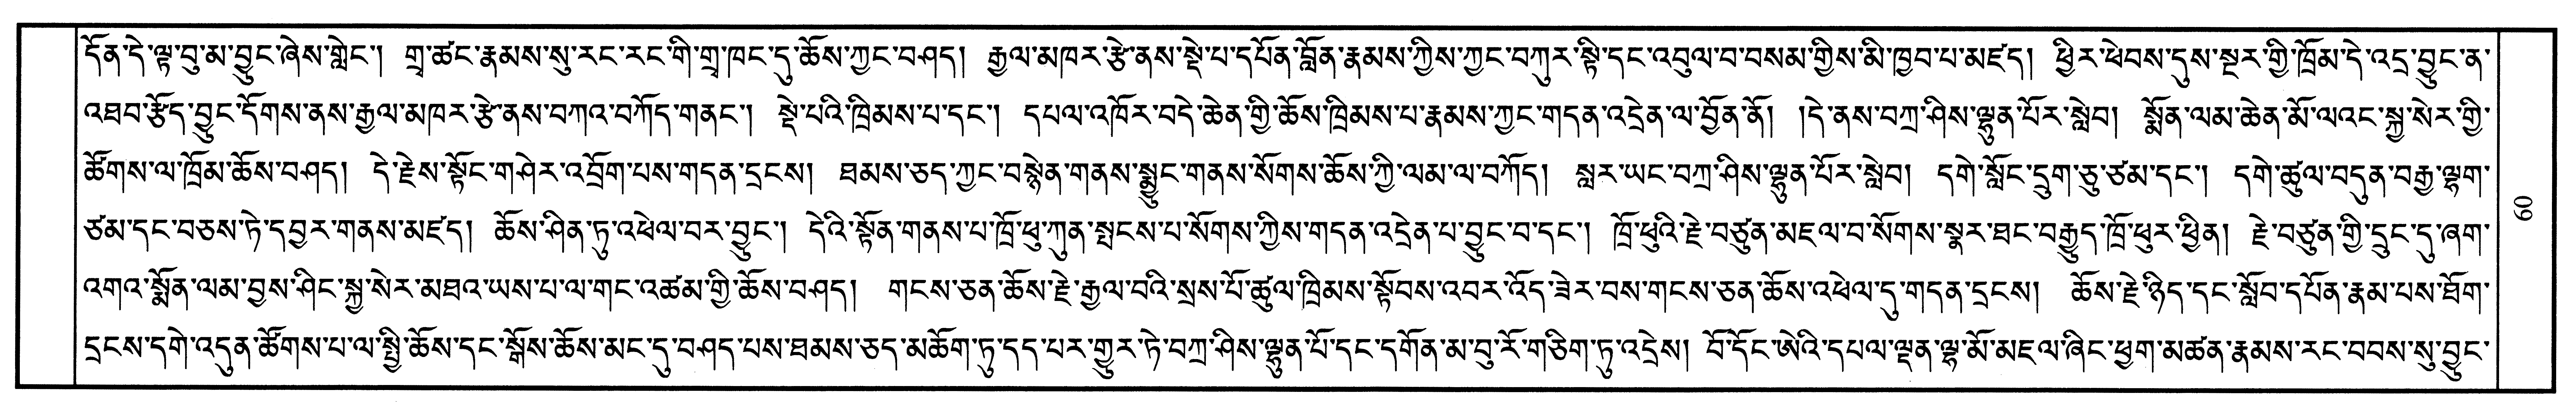དོན་དེ་ལྟ་བུ་མ་བྱུང་ཞེས་གླེང་། གྲྭ་ཚང་རྣམས་སུ་རང་རང་གི་གྲྭ་ཁང་དུ་ཆོས་ཀྱང་བཤད། རྒྱལ་མཁར་རྩེ་ནས་སྡེ་པ་དཔོན་བློན་རྣམས་ཀྱིས་ཀྱང་བཀུར་སྟི་དང་འབུལ་བ་བསམ་གྱིས་མི་ཁྱབ་པ་མཛད། ཕྱིར་ཕེབས་དུས་སྔར་གྱི་ཁྲོམ་དེ་འདྲ་བྱུང་ན་
འཐད་རྩོད་བྱུང་དོགས་ནས་རྒྱལ་མཁར་རྩེ་ནས་བཀའ་བཀོད་གནང་། སྡེ་པའི་ཁྲིམས་པ་དང་། དཔལ་འཁོར་བདེ་ཆེན་གྱི་ཆོས་ཁྲིམས་པ་རྣམས་ཀྱང་གདན་འདྲེན་པ་བྱོན་ནོ། །དེ་ནས་བཀྲ་ཤིས་ལྷུན་པོར་སླེབ། སྨོན་ལམ་ཆེན་མོ་ལའང་སྐྱ་སེར་གྱི་
ཚོགས་ལ་ཁྲོམ་ཆོས་བཤད། དེ་རྗེས་སྟོང་གཤེར་འབྲོག་པས་གདན་དྲངས། ཐམས་ཅད་ཀྱང་བསྙེན་གནས་སྨྱུང་གནས་སོགས་ཆོས་ཀྱི་ལམ་ལ་བཀོད། སླར་ཡང་བཀྲ་ཤིས་ལྷུན་པོར་སླེབ། དགེ་སློང་དྲུག་ཅུ་ཙམ་དང་། དགེ་ཚུལ་བདུན་བརྒྱ་ལྷག་
ཙམ་དང་བཅས་ཏེ་དབྱར་གནས་མཛད། ཆོས་ཤིན་ཏུ་འཕེལ་བར་བྱུང་། དེའི་སྟོན་གནས་པ་ཁྲོ་ཕུ་ཀུན་སྤངས་པ་སོགས་ཀྱིས་གདན་འདྲེན་པ་བྱུང་བ་དང་། ཁྲོ་ཕུའི་རྗེ་བཙུན་མཇལ་བ་སོགས་སྣར་ཐང་བརྒྱུད་ཁྲོ་ཕུར་ཕྱིན། རྗེ་བཙུན་གྱི་དྲུང་དུ་ཞག་
འགའ་སྨོན་ལམ་བྱས་ཤིང་སྐྱ་སེར་མཐའ་ཡས་པ་ལ་གང་འཚམ་གྱི་ཆོས་བཤད། གངས་ཅན་ཆོས་རྗེ་རྒྱལ་བའི་སྲས་པོ་ཚུལ་ཁྲིམས་སྟོབས་འབར་འོད་ཟེར་བས་གངས་ཅན་ཆོས་འཕེལ་དུ་གདན་དྲངས། ཆོས་རྗེ་ཉིད་དང་སློབ་དཔོན་རྣམ་པས་ཐོག་
དྲངས་དགེ་འདུན་ཚོགས་པ་ལ་སྤྱི་ཆོས་དང་སྒོས་ཆོས་མང་དུ་བཤད་པས་ཐམས་ཅད་མཆོག་ཏུ་དད་པར་གྱུར་ཏེ་བཀྲ་ཤིས་ལྷུན་པོ་དང་དགོན་མ་བུ་རོ་གཅིག་ཏུ་འདྲེས། བོ་དོང་ཨེའི་དཔལ་ལྡན་ལྷ་མོ་མཇལ་ཞིང་ཕྱག་མཚན་རྣམས་རང་བབས་སུ་བྱུང་